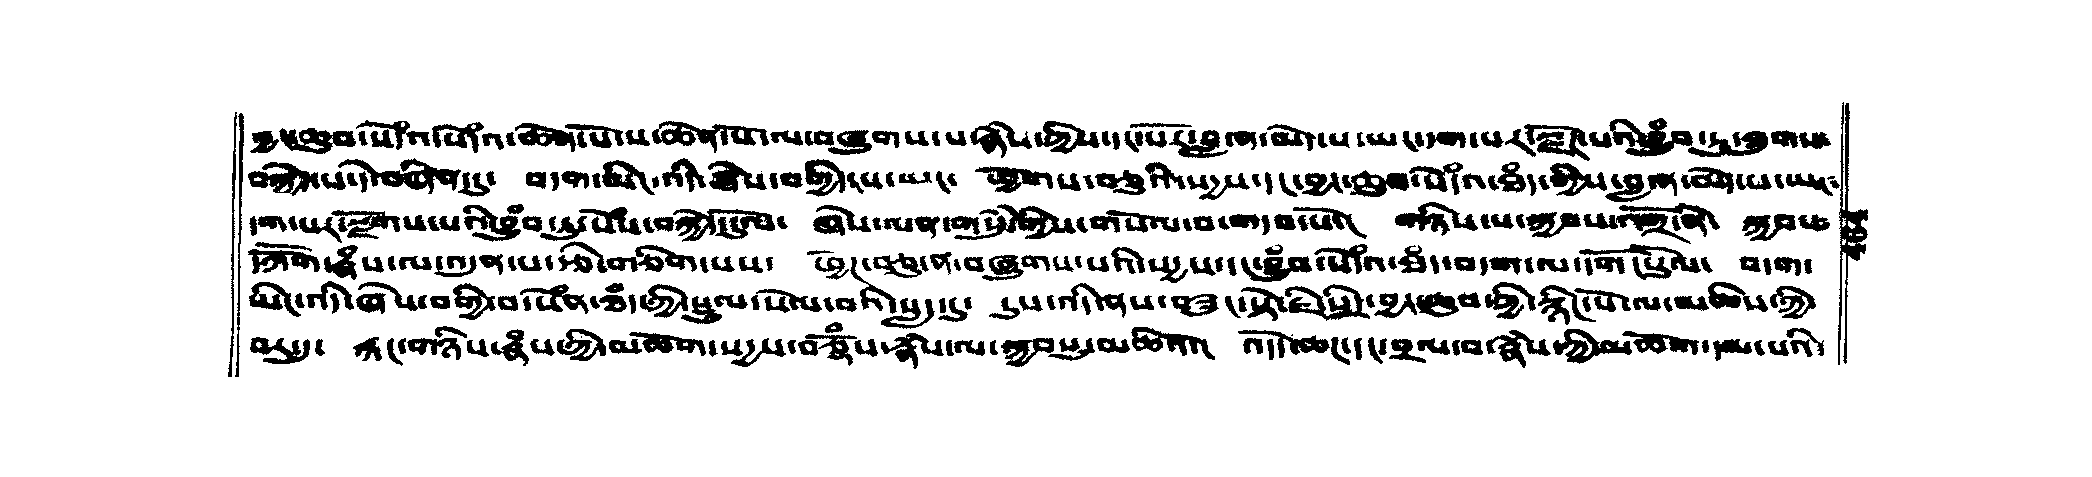བྱང་ཆུབ་སེམས་དཔའ་སེམས་དཔའ་ཆེན་པོ་ལ་བཞུགས་པ་རྣམས་ཀྱིས་དང་པོར་བླ་ན་མེད་པ་ཡང་དག་པར་རྫོགས་པའི་བྱང་ཆུབ་ཏུ་ཐུགས་
བསྐྱེད་པ་དེ་བཞིན་དུ། བདག་མིང་འདི་ཞེས་བགྱིད་པ་ཡང་། ཕྱོགས་བཅུའི་སངས་རྒྱས་དང་བྱང་ཆུབ་སེམས་དཔའ་ཐམས་ཅད་ཀྱིས་བླ་ན་མེད་པ་ཡང་
དག་པར་རྫོགས་པའི་བྱང་ཆུབ་ཏུ་སེམས་བསྐྱེད་དུ་གསོལ། ཞེས་ལན་གསུམ་གྱིས་གསོལ་བ་གདབས་སོ། གཉིས་པ་སྐྱབས་འགྲོ་ནི། སྐྱབས་
དཀོན་མཆོག་རྣམས་ལ་འདུན་པ་རྩེ་གཅིག་པས། ཕྱོགས་བཅུ་ན་བཞུགས་པའི་སངས་རྒྱས་དང་བྱང་ཆུབ་སེམས་དཔའ་ཐམས་ཅད་བདག་ལ་དགོངས་སུ་གསོལ། བདག་
མིང་འདི་ཞེས་བགྱི་བ་སེམས་ཅན་ཐམས་ཅད་ཀྱི་སྡུག་བསྔལ་སེལ་བའི་སླད་དུ། དུས་འདི་ནས་བཟུང་སྟེ་ཇི་སྲིད་བྱང་ཆུབ་ཀྱི་སྙིང་པོ་ལ་མཆིས་ཀྱི་
བར་དུ། རྐང་གཉིས་རྣམས་ཀྱི་མཆོག་སངས་རྒྱས་བཅོམ་ལྡན་འདས་རྣམས་ལ་སྐྱབས་སུ་མཆིའོ། འདོད་ཆགས་དང་བྲལ་བ་རྣམས་ཀྱི་མཆོག་དམ་པའི་